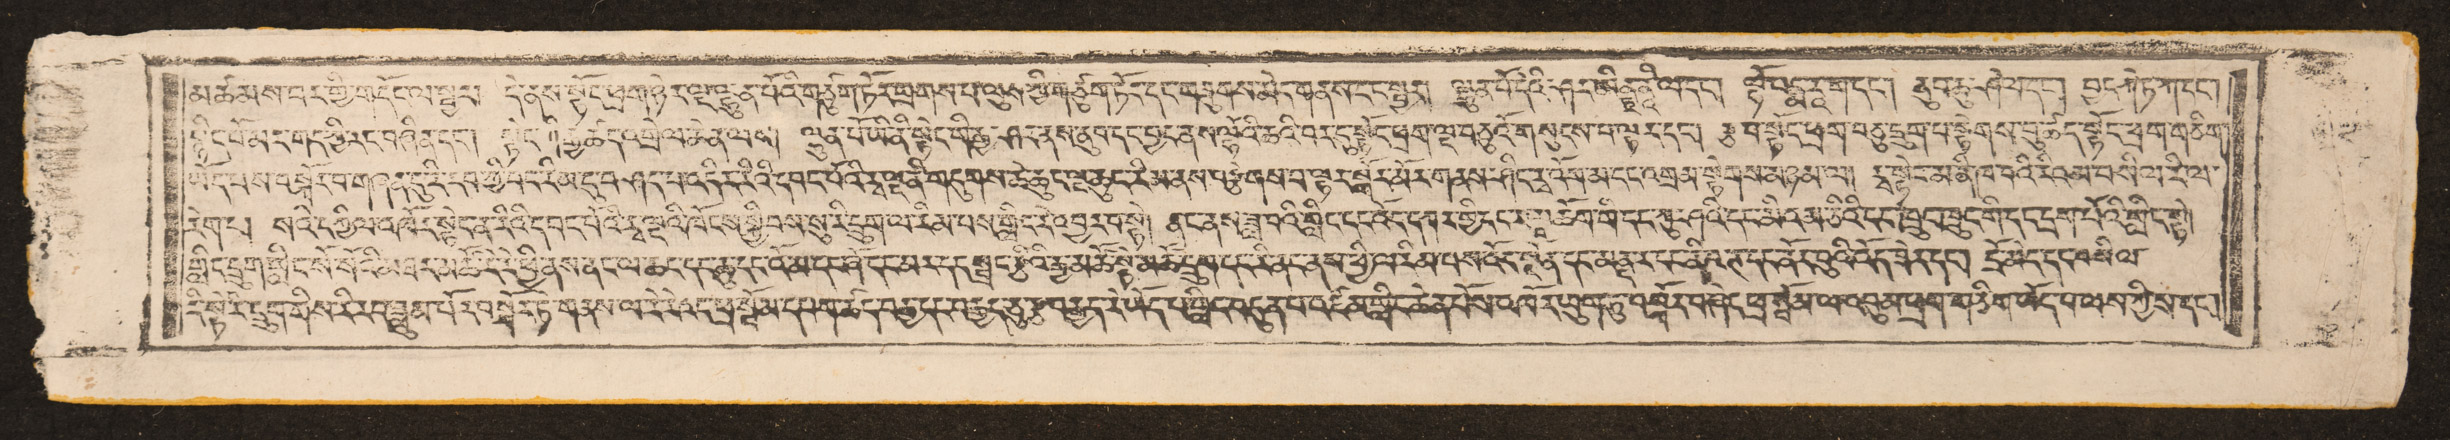མཚམས་བར་གྱི་གདོང་ལ་སྤྱན། དེ་ནས་སྟོང་ཕྲག་ཉེར་ལྔ་ལྷུན་པོའི་གཙུག་ཏོར་གྲགས་པ་ལུས་ཀྱི་གཙུག་ཏོར་དང་གཟུགས་མེད་གནས་དང་སྦྱར། ལྷུན་པོ་དེའི་ཤར་ཨིནྟྲ་ནཱི་ལ་དང་། ལྷོ་པདམ་རཱ་ག་དང་། ནུབ་ཆུ་ཤེལ་དང་། བྱང་ཀེ་ཏཀ་དང་།
སྙིང་པོ་མར་གང་ཀྱི་རང་བཞིན་དང་། སྟེང་གི་རྒྱ་ཚད་འགྲེལ་ཆིན་ལས། ལྷུན་པོ་ཡི་ནི་སྙིང་གི་རྒྱ་ཤར་ནས་ནུབ་དང་བྱང་ནས་ལྷོའི་ཆའི་བར་དུ་སྟོང་ཕྲག་ལྔ་བཅུ་འོ་གསུངས་པ་ལྟར་དང་། རྩ་བ་སྟོང་ཕྲག་བཅུ་དྲུག་པ་སྟེགས་བུ་ཚད་སྟོང་ཕྲག་གཅིག་
ཡོད་པས་བསྐོར་བ་གཞན་དུ་རི་རབ་ཀྱི་བང་རིམ་དུ་བཤད་པ་འདིར་རིའི་དབང་པོའི་རྭ་ལྔ་ནི་གདུགས་ཆེ་ཆུང་ལྔ་ཆུང་རིམ་ནས་བརྩེགས་པ་ལྟར་སྒོར་མོར་གནས་ཤིང་རྭ་འོག་མ་དང་འགྲམ་སྟེགས་མཉམ་ལ། རྭ་སྟེང་མ་ནི་ཁ་བའི་རིའམ་བསིལ་རིལ་
རེག་པ། སའི་དཀྱིལ་འཁོར་སྟེང་ན་རིའི་དབང་པོའི་རྭ་ལྔའི་ཁོངས་སྐྱིབས་སུ་རི་དྲུག་ལ་རིམ་པས་གླིང་རེ་འབྱར་བ་སྟེ། ནང་ནས་ཟླ་བའི་གླིང་དང་འོད་དཀར་གྱི་དང་རལ་ཆོག་གི་དང་ཀུ་ཤའི་དང་མིའམ་ཅིའི་དང་ཁྲུང་ཁྲུང་གི་དང་དྲག་པོའི་གླིང་སྟེ།
གླིང་དྲུག་གླིང་སོ་སོའི་མཐར་མཚོར་རེ་ཕྱི་ནས་ནང་ལ་ཆང་དང་ཆུ་དང་འོ་མ་དང་ཞོ་དང་མར་དང་སྦྲང་རྩིའི་རྒྱ་མཚོ་སྟེ་མཚོ་དྲུག་དང་རི་ནང་ནས་ཕྱི་ལ་རིམ་པས་འོད་སྔོན་དང་མནྡ་ར་དང་ནི་ཥཱ་ཊ་དང་ནོར་བུའི་འོད་ཟེར་དང་། དྲོ་མེད་དང་བསིལ་
རི་སྟེ་རི་དྲུག་གིས་རི་རབ་ཟླུམ་པོར་བསྐོར་ཏེ་གནས་ལ་རེ་རེའང་ཕྲ་སྦོམ་དཔག་ཚད་བརྒྱ་དང་བརྒྱད་ཅུ་རྩ་བརྒྱད་རེ་ཡོད་པ་གླིང་བདུན་པ་འཛམ་གླིང་ཆེན་པོས་འཁོར་ཡུག་ཏུ་བསྐོར་བཞད་ཕྲ་སྦོམ་ལ་འབུམ་ཕྲག་གཅིག་ཡོད་པ་ལས་ཀྱིས་དང་